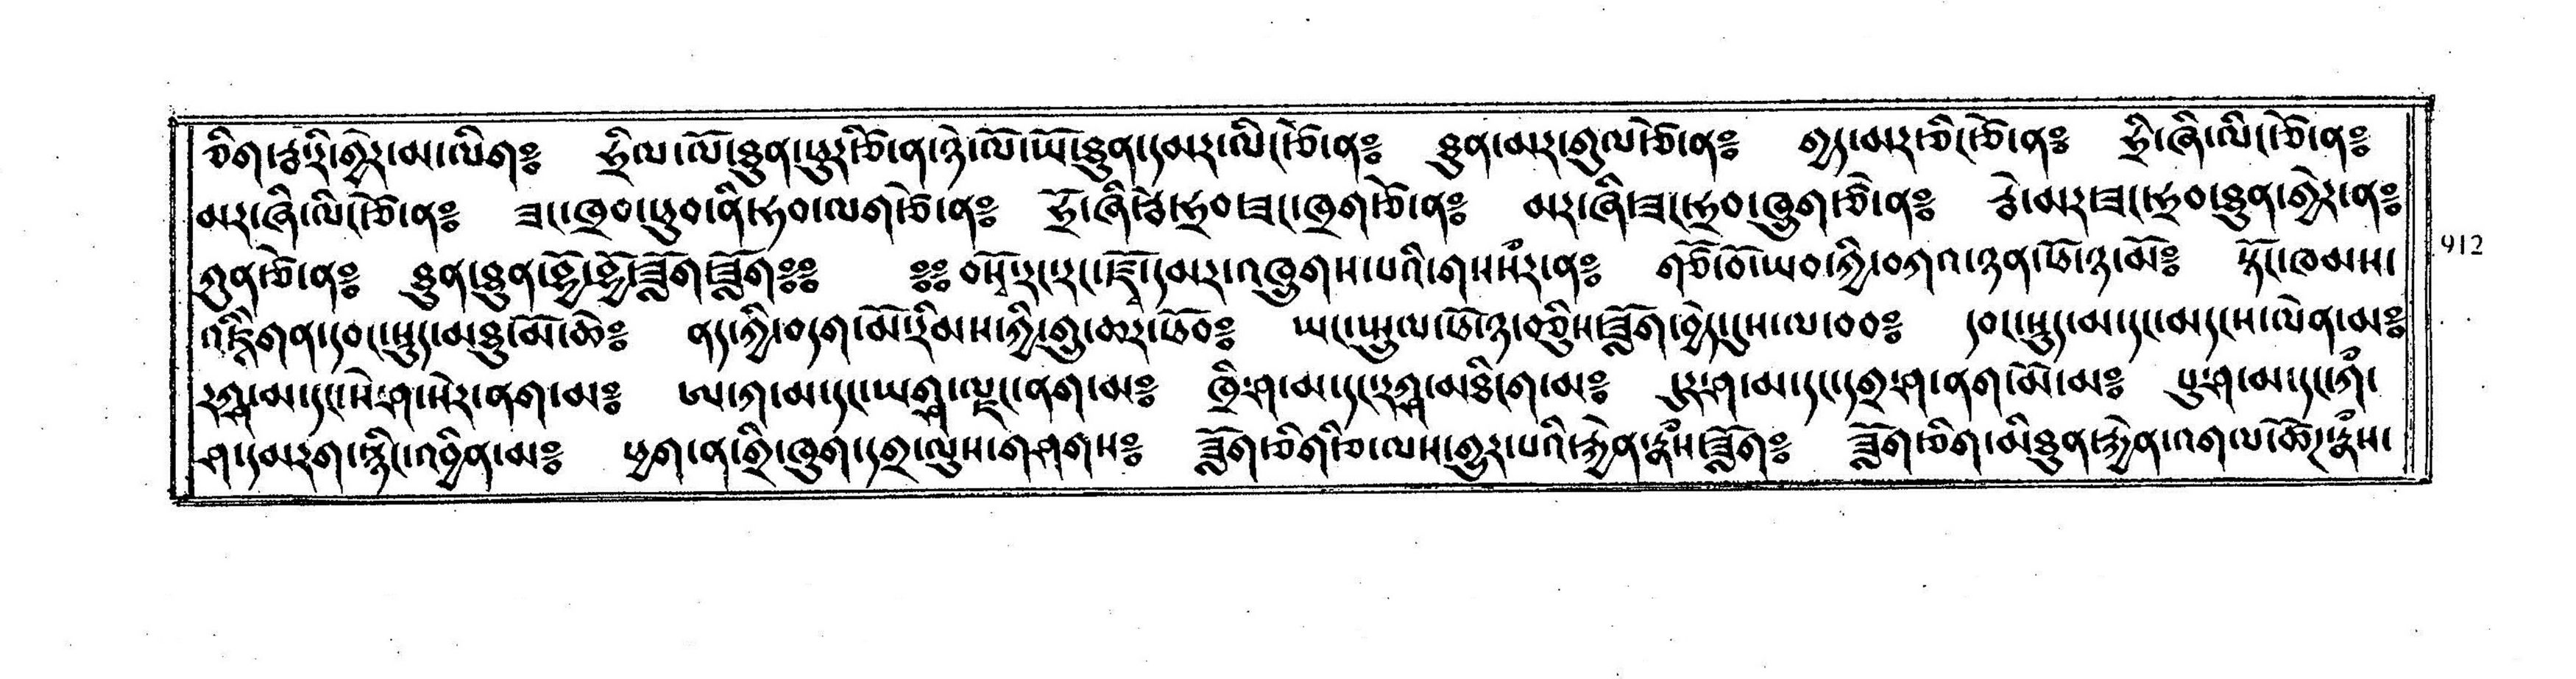ཅིག་རྦ་རི་གྱེར་མ་ལིག༔ ཧྲིལ་ལོ་ཐུན་ཕུར་ཙི་ན་ཉེ་ལོ་ཡོ་ཐུན་དམར་ལིང་ཙེ་ན༔ ཐུན་མར་གུལ་ཙེ་ན༔ གྱད་མར་ཅིང་ཙེ་ན༔ ཧྲི་ཞི་ལིང་ཙེ་ན༔ 
མར་ཞི་ལིང་ཙེ་ན༔ ཟང་ཁྲབ་ཕུབ་ནི་ཧབ་ལག་ཙེ་ན༔ ཧྲོ་ཞི་རྦེ་ཧྲབ་ཟང་ཁྲག་ཙེ་ན༔ མར་ཞི་ཟང་ཧྲབ་ཁྲུག་ཙེ་ན༔ རྦེ་མར་ཟང་ཧྲབ་ཐུན་གྱེར་ན༔ 
ཀུན་ཙེ་ན༔ ཐུན་ཐུན་བྷྱོ་བྷྱོ་ཟློག་ཟློག༔༔ ༔༔བསྭོ་རང་རང་ཛྭོ་དམར་འཁྲུགས་པའི་གསས་མཁར་ན༔ གཙོ་བོ་ཡབ་ཀྱི་བཀའ་ཉན་ཕོ་ཉ་མོ༔ སྟོང་ཁམས་
འཇིག་རྟེན་དབང་སྡུག་མཐུ་མོ་ཆེ༔ ནད་ཀྱི་བདག་མོ་རིམས་ཀྱི་གྲུ་ཆར་ཕོབ༔ ཡང་སྤྲུལ་ཕོ་ཉ་བཅུ་གཉིས་ཟློག་བྱེད་དུས་ལ་བབ༔ དབང་སྡུད་མ་དང་མདངས་ལེན་མ༔ 
རཀྴ་མ་དང་སེ་ཤ་སེར་ནག་མ༔ ཨ་ཀ་མ་དང་ཡགྴ་ལྗང་ནག་མ༔ ཁྲི་ཤ་མ་དང་རཀྴ་མཐིང་ནག་མ༔ དུར་ཤ་མ་དང་དགྲ་ནག་མོ་མ༔ པུ་ཤ་མ་དང་ཀཾ་
ཤ་དམར་ནག་སྙིང་འབྱིན་མ༔ ཕྱག་ན་གྲི་ཁུག་དགྲ་ལུས་གཤགས༔ ཟློག་ཅིག་ཅི་ལས་གྱུར་པའི་རྐྱེན་རྣམས་ཟློག༔ ཟློག་ཅིག་མི་མཐུན་རྐྱེན་འགལ་ཚོགས་རྣམས་